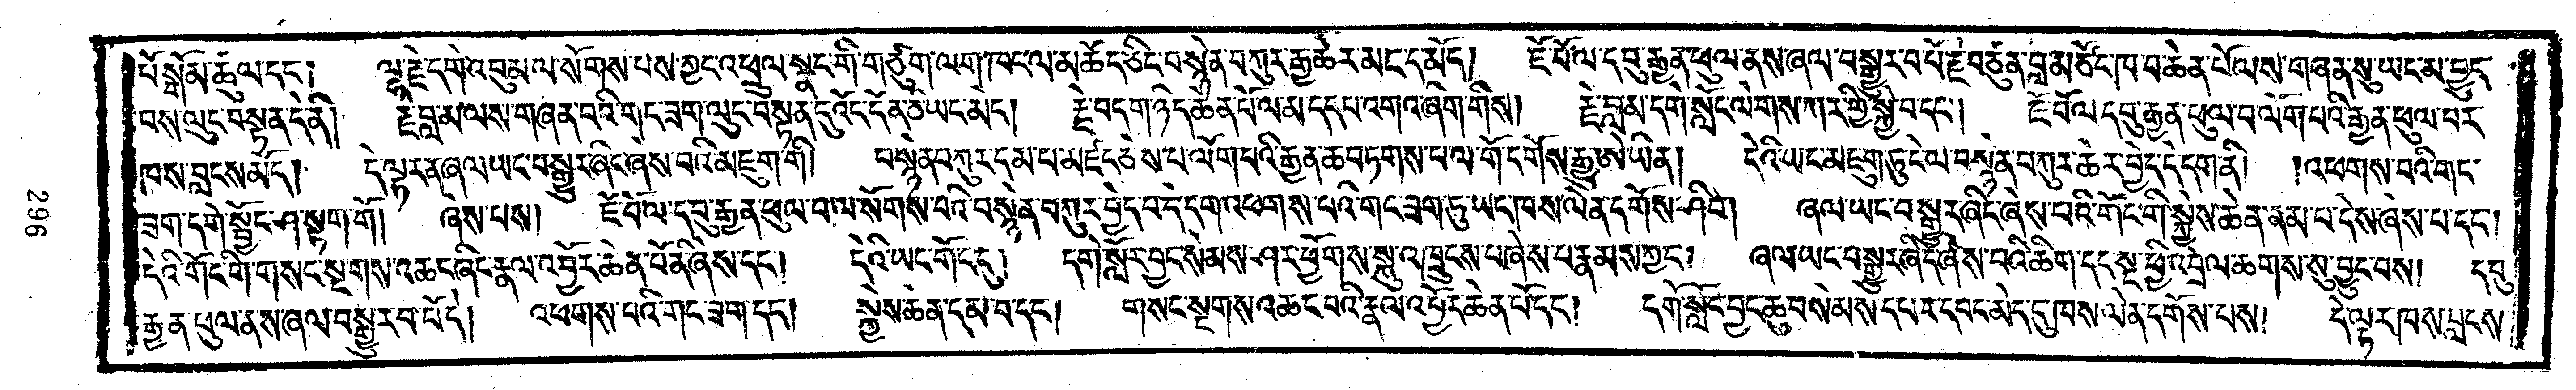པོ་སྒོམ་ཚུལ་དང་། ལྷ་རྗེ་དགེ་འབུམ་ལ་སོགས་པས་ཀྱང་འཕྲུལ་སྣང་གི་གཙུག་ལག་ཁང་ལ་མཆོད་ཅིང་བསྙེན་བཀུར་རྒྱ་ཆེར་མང་དམོད། ཇོ་བོ་ལ་དབུ་རྒྱན་ཕུལ་ནས་ཞལ་བསྒྱུར་བ་པོ་རྗེ་བཙུན་བླ་མ་ཙོང་ཁ་བ་ཆེན་པོ་ལས་གཞན་སུ་ཡང་མ་བྱུང་
བས་ལུང་བསྟན་དེ་ནི། རྗེ་བླ་མ་ལས་གཞན་བའི་གང་ཟག་ལུང་བསྟན་དུ་འོང་དོན་ཅི་ཡང་མེད། རྗེ་བདག་ཉིད་ཆེན་པོ་ལ་མ་དད་པ་འགའ་ཞིག་གིས། རྗེ་བླ་མ་དགེ་སློང་ལེགས་ཀར་གྱི་སྐྱེ་བ་དང་། ཇོ་བོ་ལ་དབུ་རྒྱན་ཕུལ་བ་ལོག་པའི་རྒྱན་ཕུལ་བར་
ཁས་བླངས་མོད། དེ་ལྟར་ན་ཞལ་ཡང་བསྒྱུར་ཞིང་ཞེས་བའི་མཇུག་གི། བསྙེན་བཀུར་དམ་པ་མཛད་ཅེས་པ་ལོག་པའི་རྒྱན་ཆ་བཏགས་པ་ལ་གོ་དགོས་རྒྱུ་ཨེ་ཡིན། དེའི་ཡང་མཇུག་ཏུ་ངེ་ལ་བསྙེན་བཀུར་ཆེར་བྱེད་དེ་དག་ནི། །འཕགས་པའི་གང་
ཟག་དགེ་སྦྱོང་ཤ་སྟག་གོ། ཞེས་པས། ཇོ་བོ་ལ་དབུ་རྒྱན་ཕུལ་བ་ལ་སོགས་བའི་བསྙེན་བཀུར་བྱེད་བ་དེ་དག་འཕགས་པའི་གང་ཟག་ཏུ་ཡང་ཁས་ལེན་དགོས་ཤིག?་།ཞལ་ཡང་བསྒྱུར་ཞིང་ཞེས་པའི་གོང་གི་སྐྱེས་ཆེན་ནམ་པ་དེས་ཞེས་པ་དང་།
དེའི་གོང་གི་གསང་སྔགས་འཆང་ཞིང་རྣལ་འབྱོར་ཆེན་པོ་ནི་ཞེས་དང་། དེའི་ཡང་གོང་དུ། དགེ་སློང་བྱང་སེམས་ཤར་ཕྱོགས་སྐུ་འཁྲུངས་པ་ཞེས་པ་རྣམས་ཀྱང་། ཞལ་ཡང་བསྒྱུར་ཞིད་ཞེས་བའི་ཆིག་དང་སྔ་ཕྱི་འབྲེལ་ཆགས་སུ་བྱུང་བས། དབུ་
རྒྱན་ཕུལ་ནས་ཞལ་བསྒྱུར་བ་པོ་དེ། འཕགས་བའི་གང་ཟག་དང་། སྐྱེས་ཆེན་དམ་བ་དང་། གསང་སྔགས་འཆང་བའི་རྣལ་འབྱོར་ཆེན་པོ་དང་། དགེ་སློང་བྱང་ཆུབ་སེམས་དཔར་དབང་མེད་དུ་ཁས་ལེན་དགོས་པས། དེ་ལྟར་ཁས་བླངས་